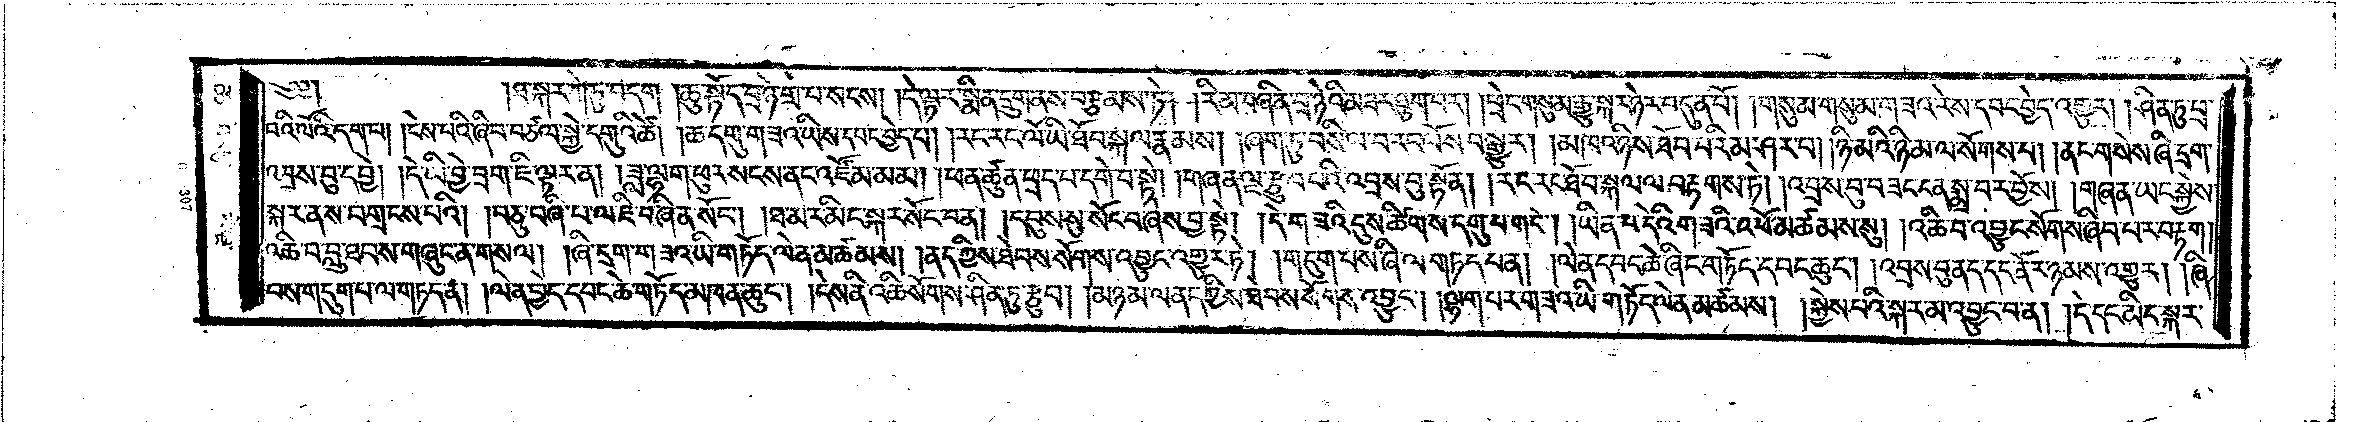༄༅། །ཐ་སྐར་ཀེ་ཏུ་བདག །ཆུ་སྟོད་བྲ་ཉེ་གྲེ་བ་སངས། །དེ་ལྟར་སྨིན་དྲུག་ནས་བརྩམས་ཏེ། །རིམ་བཞིན་བྲ་ཉེའི་མཐར་ཐུག་པར། །ཕྲེང་གསུམ་རྒྱུ་སྐར་ཉེར་བདུན་པོ། །གསུམ་གསུམ་གཟའ་རེས་དབང་བྱེད་འགྱུར། །ཤིན་ཏུ་པྲ་
བའི་ལོའི་དག་པ། །ངེས་པའི་ཞིབ་བཙལ་སྐྱེ་དགུའི་ཚེ། །ཆ་དགུ་གཟའ་ཡིས་དབང་བྱེད་པ། །རང་རང་ལོ་ཡི་ཐོབ་སྐལ་རྣམས། །ཞག་ཏུ་བསིལ་བ་རང་ལོས་བསྒྱུར། །མཁའ་ཉིས་ཐོབ་པ་རིམ་ཤར་བ། །ཉི་མའི་ཉི་མ་ལ་སོགས་པ། །ནང་གཤེས་ཞི་དྲག་
འབྲས་བུ་དབྱེ། །དེ་ཡི་བྱེ་བྲག་ཇི་ལྟར་ན། །ཟླ་ལྷག་ཕུར་སངས་ནང་འཛོམ་མམ། །ཕན་ཚུན་ཕྲད་པ་དགེ་བ་སྟེ། །གཞན་ལྔ་རྩུབ་པའི་འབྲས་བུ་སྟོན། །རང་རང་ཐོབ་སྐལ་ལ་བརྟགས་ཏེ། །འབྲས་བུ་བཟང་ངན་སྨྲ་བར་བྱོས། །གཞན་ཡང་སྐྱེས་
སྐར་ནས་བགྲངས་པའི། །བཅུ་བཞི་པ་ལ་ཇི་བཞིན་སོང་། །ཐ་མར་མིང་སྐར་སོང་བ་ན། །དབུས་སུ་སོང་བཞེས་བྱ་སྟེ། །དེ་གཟའི་དུས་ཚིགས་དགུ་པ་གདེ། །ཡིན་པ་དེའི་གཟའི་འཕོ་མཚམས་སུ། །འཆི་བ་འབྱུང་སོགས་ཞིབ་པར་བརྟག །
འཆི་བ་བླུ་ཐབས་གཞུང་ན་གསལ། །ཞི་དྲག་གཟའ་ཡི་གཏོད་ལེན་མཚམས། །ནད་ཀྱིས་ཐེབས་སོགས་འབྱུང་འགྱུར་ཏེ། །གདུག་པས་ཞི་ལ་གཏད་པ་ན། །ལེན་དབང་ཆེ་ཞིང་གཏོད་དབང་ཆུང་། །འབྲས་བུ་ནད་དང་ནོར་ཉམས་འགྱུར། །ཞི་
བས་གདུག་པ་ལ་གཏད་ན། །ལེན་བྱེད་དབང་ཆེ་གཏོད་མཁན་ཆུང་། །དེས་ནི་འཆི་སོགས་ཤིན་ཏུ་རྩུབ། །མཉམ་ལ་ནད་ཀྱིས་ཐེབས་སོགས་འབྱུང་། །ལྷག་པར་གཟའ་ཡི་གཏོད་ལེན་མཚམས། །སྐྱེས་པའི་སྐར་མ་འབྱུང་བ་ན། །དེ་དང་མིང་སྐར་